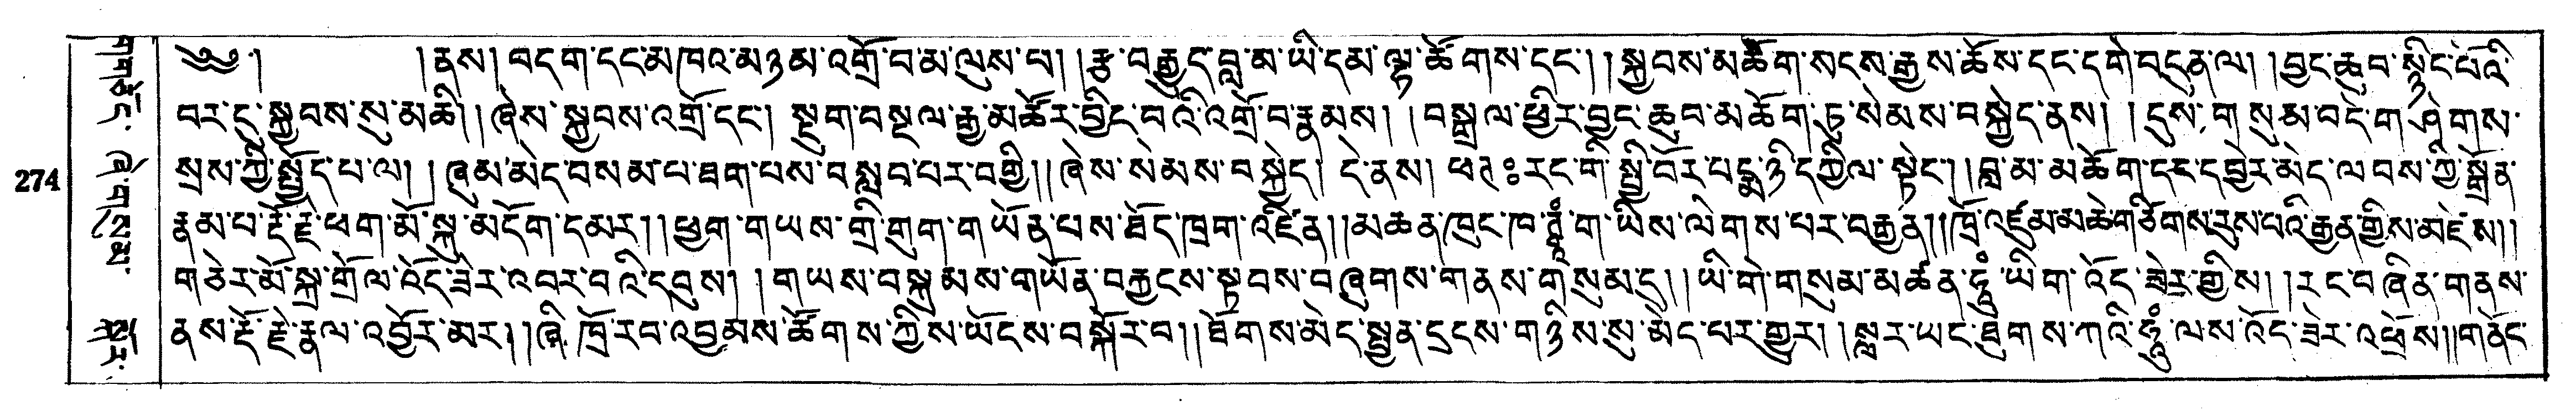༄༅། །ནས། བདག་དང་མཁའ་མཉམ་འགྲོ་བ་མ་ལུས་པ། །རྩ་བརྒྱུད་བླ་མ་ཡི་དམ་ལྷ་ཚོགས་དང་། །སྐྱབས་མཆོག་སངས་རྒྱས་ཆོས་དང་དགེ་བདུན་ལ། །བྱང་ཆུབ་སྙིང་པོའི་
བར་དུ་སྐྱབས་སུ་མཆི། །ཞེས་སྐྱབས་འགྲོ་དང་། སྡུག་བསྔལ་རྒྱ་མཚོར་བྱིང་བའི་འགྲོ་བ་རྣམས། །བསྒྲལ་ཕྱིར་བྱང་ཆུབ་མཆོག་ཏུ་སེམས་བསྐྱེད་ནས། །དུས་གསུམ་བདེ་གཤེགས་
སྲས་ཀྱི་སྤྱོད་པ་ལ། །ཞུམ་མེད་བསམ་པ་ཐག་པས་བསླབ་པར་བགྱི། །ཞེས་སེམས་བསྐྱེད། དེ་ནས་ཕཊཿ རང་གི་སྤྱི་བོར་པདམ་ཉིད་དཀྱིལ་སྟེང་། །བླ་མ་མཆོག་དང་དབྱེར་མེད་ལབས་ཀྱི་སྒྲོན་
རྣམ་པ་རྡོ་རྗེ་ཕག་མོ་སྐུ་མདོག་དམར། །ཕྱག་གཡས་གྲི་གུག་གཡོན་པས་ཐོད་ཁྲག་འཛིན། །མཆན་ཁུང་ཁ་ཏྭཱཾ་?་ག་ཡིས་ལེགས་པར་བརྒྱན། །ཁྲོ་འཛུམ་མཆེ་གཙིགས་རུས་པའི་རྒྱན་གྱིས་མཛེས། །
གཅེར་མོ་སྐྲ་གྲོལ་འོད་ཟེར་འབར་བའི་དབུས། །གཡས་བསྐུམས་གཡོན་བརྐྱངས་སྟབས་བཞུགས་གནས་གསུམ་དུ། །ཡི་གེ་གསུམ་མཚན་ཧཱུཾ་ཡིག་འོད་ཟེར་གྱིས། །རང་བཞིན་གནས་
ནས་རྡོ་རྗེ་རྣལ་འབྱོར་མར། །ཞི་ཁྲོ་རབ་འབྱམས་ཚོགས་ཀྱིས་ཡོངས་བསྐོར་བ། །ཐོགས་མེད་སྤྱན་དྲངས་གཉིས་སུ་མེད་པར་གྱུར་། །སླར་ཡང་ཐུགས་ཀའི་ཧཱུཾ་ལས་འོད་ཟེར་འཕྲོས། །གནོད་